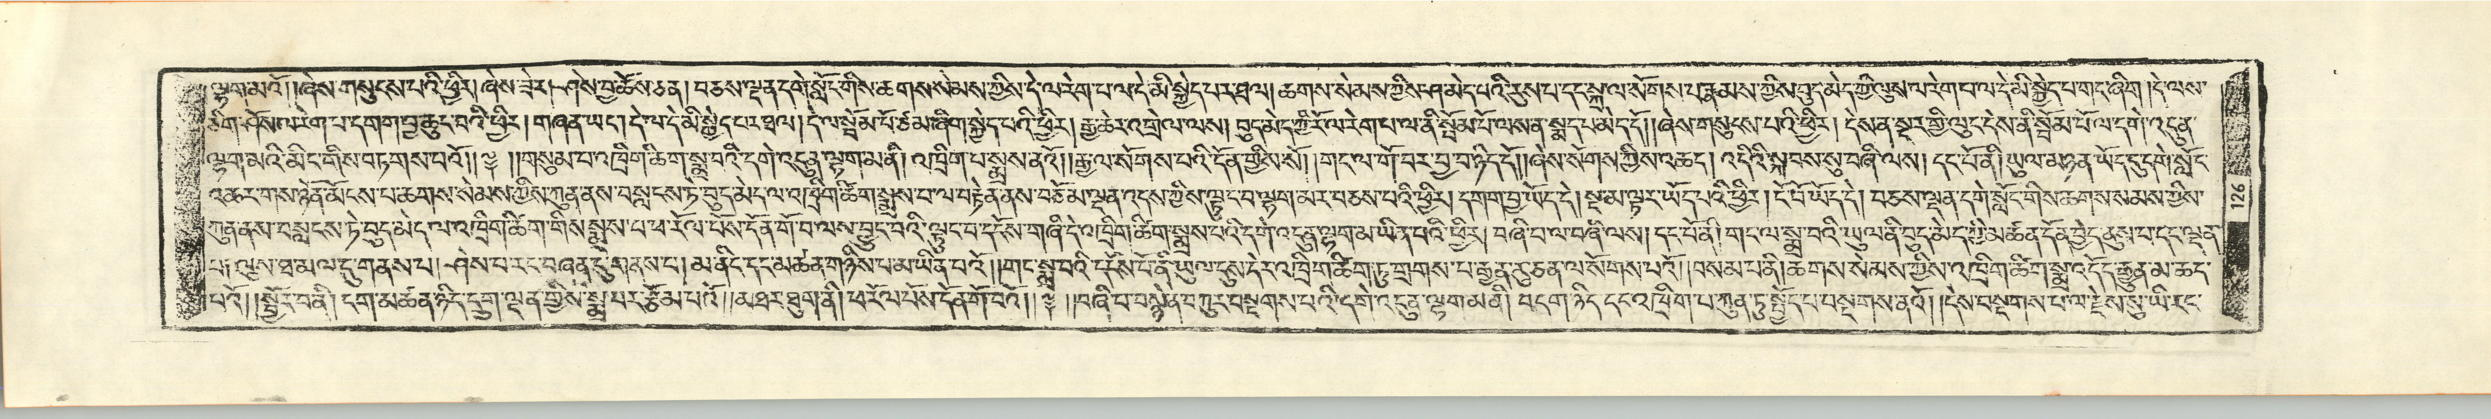ལྷག་མའོ། །ཞེས་གསུངས་པའི་ཕྱིར། ཞེས་ཟེར། ཤེས་བྱ་ཆོས་ཅན། བཅས་ལྡན་དགེ་སློང་གིས་ཆགས་སེམས་ཀྱིས་དེ་ལ་རེག་པ་ལ་དེ་མི་སྐྱེད་པར་ཐལ། ཆགས་སེམས་ཀྱིས་ཤ་མེད་པའི་རུས་པ་དང་སྐྲ་ལ་སོགས་པ་རྣམས་ཀྱིས་བུད་མེད་ཀྱི་ལུས་ལ་རེག་པ་ལ་དེ་མི་སྐྱེད་པ་གང་ཞིག །དེ་ལས་
ཅིག་ཤོས་ལ་རེག་པ་དགག་བྱ་ཆུང་བའི་ཕྱིར། གཞན་ཡང་། དེ་ལ་དེ་མི་སྐྱེད་པར་ཐལ། དེ་ལ་སྦོམ་པོ་ཙམ་ཞིག་སྐྱེད་པའི་ཕྱིར། རྒྱ་ཆེར་འགྲེལ་ལས། བུད་མེད་ཀྱི་རོ་ལ་རེག་པ་ལ་ནི་སྦོམ་པོ་ལས་ན་སྨད་པ་མེད་དོ། །ཞེས་གསུངས་པའི་ཕྱིར། དེས་ན་སྔར་གྱི་ལུང་དེས་ནི་སྦོམ་པོ་ལ་དགེ་འདུན་
ལྷག་མའི་མིང་གིས་བཏགས་པའོ།།༈།།གསུམ་པ་འཁྲིག་ཆིག་སྨྲ་བའི་དགེ་འདུན་ལྷག་མ་ནི། འཁྲིག་པ་སྨྲས་ནའོ། །རྒྱ་ལ་སོགས་པའི་དོན་གྱིས་སོ། །གང་ལ་གོ་བར་བྱ་བ་ཉིད་དོ། །ཞེས་སོགས་ཀྱིས་འཆད། འདིའི་སྐབས་སུ་བཞི་ལས། དང་པོ་ནི། ཡུལ་མཉན་ཡོད་དུ་དགེ་སློང་
འཆར་གས་ཉོན་མོངས་པ་ཆགས་སེམས་ཀྱིས་ཀུན་ནས་བསླངས་ཏེ་བུད་མེད་ལ་འཁྲིག་ཚིག་སྨྲས་པ་ལ་བརྟེན་ནས་བཅོམ་ལྡན་འདས་ཀྱིས་ལྟུང་བ་ལྷག་མར་བཅས་པའི་ཕྱིར། དགག་བྱ་ཡོད་དེ། སྔ་མ་ལྟར་ཡོད་པའི་ཕྱིར། ངོ་བོ་ཡོད་དེ། བཅས་ལྡན་དགེ་སློང་གིས་ཆགས་སེམས་ཀྱིས་
ཀུན་ནས་བསླངས་ཏེ་བུད་མེད་ལ་འཁྲིག་ཚིག་གིས་སྨྲས་པ་ཕ་རོལ་པོས་དོན་གོ་བ་ལས་བྱུང་བའི་ལྟུང་བ་དངོས་གཞི་དེ་འཁྲིག་ཚིག་སྨྲས་པའི་དགེ་འདུན་ལྷག་མ་ཡིན་པའི་ཕྱིར། བཞི་པ་ལ་བཞི་ལས། དང་པོ་ནི། གང་ལ་སྨྲ་བའི་ཡུལ་ནི་བུད་མེད་ཀྱི་མཚན་དོན་བྱེད་ནུས་པ་དང་ལྡན་
པ༑ ལུས་ཐ་མལ་དུ་གནས་པ། ཤེས་པ་རང་བཞན་དུ་གནས་པ། མ་ནིང་དང་མཚན་གཉིས་པ་མ་ཡིན་པའོ། །གང་སྨྲ་བའི་དངོས་པོ་ནི་ཡུལ་དུས་དེར་འཁྲིག་ཚིག་ཏུ་གྲགས་པ་རྒྱན་ནུ་ཅན་ལ་སོགས་པའོ། །བསམ་པ་ནི། ཆགས་སེམས་ཀྱིས་འཁྲིག་ཚིག་སྨྲ་འདོད་རྒྱུན་མ་ཆད་
པའོ། །སྦྱོར་བ་ནི། ངག་མཚན་ཉིད་དྲུག་ལྡན་གྱིས་སྨྲ་པར་རྩོམ་པའོ། །མཐར་ཐུག་ནི། ཕ་རོལ་པོས་དོན་གོ་བའོ།།༈།།བཞི་པ་བསྙེན་བཀུར་བསྔགས་པའི་དགེ་འདུན་ལྷག་མ་ནི། བདག་ཉིད་དང་འཁྲིག་པ་ཀུན་ཏུ་སྤྱོད་པ་བསྔགས་ནའོ། །དེས་བསྔགས་པ་ལ་རྗེས་སུ་ཡི་རང་